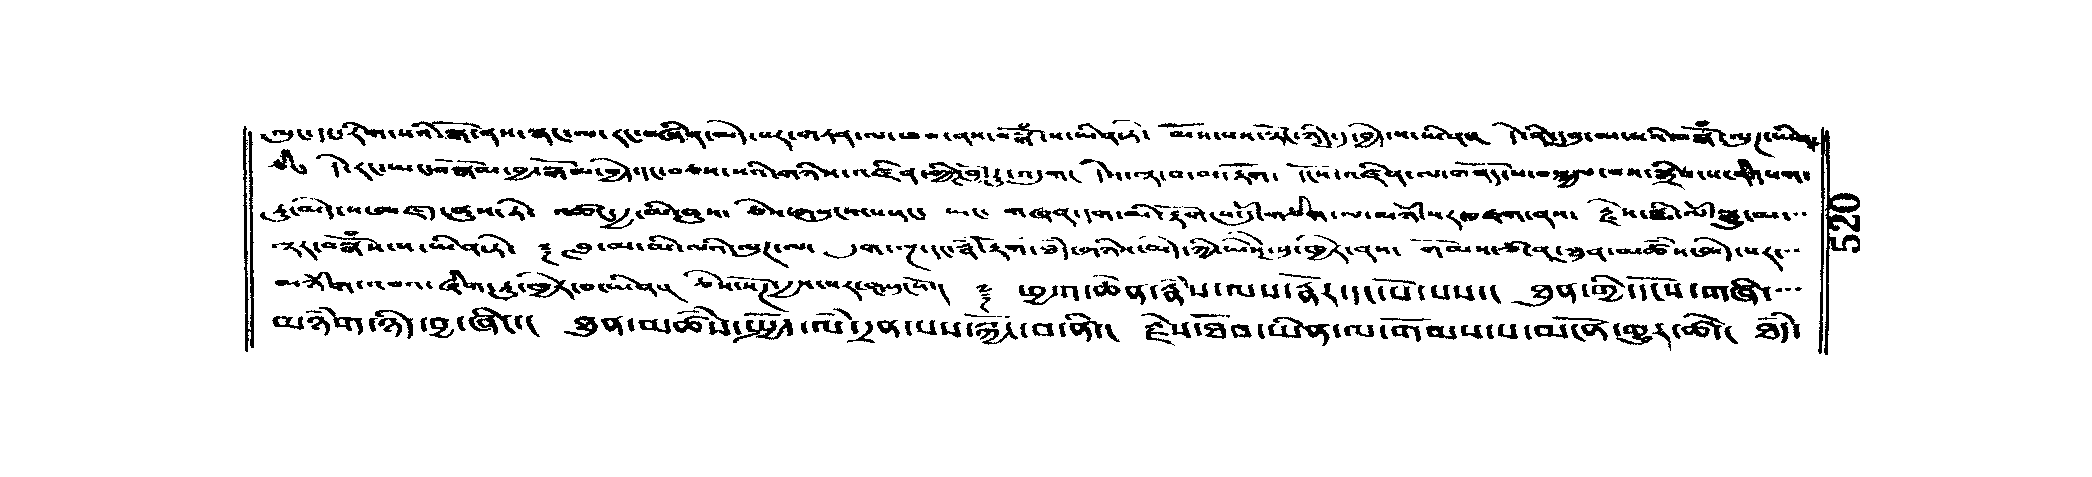ལུང་དང་རིག་་སྒོ་ནས་སྣང་ལ་རང་བཞིན་མེད་པར་གཏན་ལ་ཕབ་ནས་བསྒོམ་པ་ཡིན་ཏེ། མོས་པས་སྟོང་ཉིད་དུ་བྱེད་པ་ཡིན། དེ་ནི་དབུ་མ་པའི་བསྒོམ་ལུགས་ཡིན་
ཅིང་། དེ་རང་ཡང་བསྒོམ་བྱ་སྒོམ་བྱེད་དང་བཅས་པའི་གཉིས་འཛིན་གྱི་བློ་རུ་འདུག དེས་ལྟ་བ་མ་རྟོགས་དངོས་འཛིན་ལ་གནོད་པ་བསྐྱལ་པས་སྒྲིབ་པ་ནི་དཔག་
ཏུ་མེད་པ་མཛད་ནུས་ཏེ། འཚང་རྒྱ་མི་ནུས། ཅེས་གསུངས་པ་དང་། ཡང་། གཞན་དག་མི་རྟོག་པ་དུམ་གཅིག་ལ་མཉམ་པར་བཞགས་ནས། རྗེས་སྨི་ལམ་སྒྱུ་མ་
ལྟར་བསྒོམ་པ་ཡིན་ཏེ། བླ་མ་མི་ལའི་ལུགས་ལ། དུག་ལྔ་དང་རྣམ་རྟོག་ཐམས་ཅད་གཉིས་མེད་ཀྱི་ཡེ་ཤེས་སུ་ཁྱེར་ནས་གོམས་ཙ་ན་ཐུན་མཚམས་མེད་པར་
མཉམ་བཞག་འབའ་ཞིག་ཏུ་ཁྱེར་བ་ཡིན། ཅེས་སོགས་རྒྱས་པར་གསུངས་སོ། ༈ ཕྱག་ཆེན་རྣམས་ལས་རྣལ་འབྱོར་དང་པོ་པས། །ཐུན་གྱི་དངོས་གཞི་
མཉམ་བཞག་ཉིད་བྱ་ཞིང་། །ཐུན་མཚམས་སྤྱོད་ལམ་དྲན་པས་སྐྱོང་བ་ནི། །རྗེས་ཐོབ་ཡིན་ལ་གོམས་པ་མངོན་གྱུར་ཚེ། །ཐམས་ཅད་